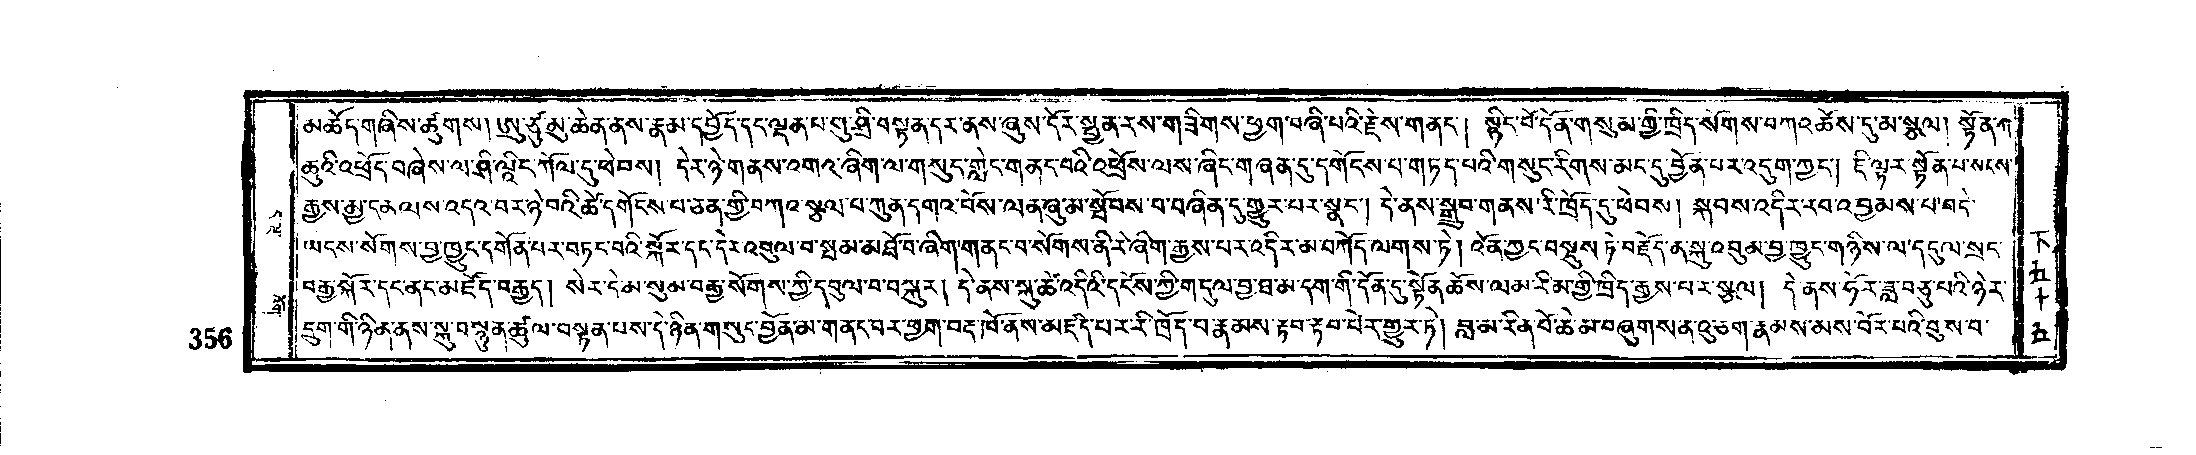མཆོད་གཞིས་ཚུགས། ཨུ་ཙུ་མུ་ཆེན་ནས་རྣམ་དཔྱོད་དང་ལྡན་པ་གུ་ཤྲི་བསྟན་དར་ནས་ཞུས་དོར་སྤྱན་རས་གཟིགས་ཕྱག་བཞི་པའི་རྗེས་གནང་། སྙིང་པོ་དོན་གསུམ་གྱི་ཁྲིད་སོགས་བཀའ་ཆོས་དུ་མ་སྩལ། སྟོན་ཀ་
ཆུའི་འཕྲོད་བཞེས་ལ་ཤི་ལཱིང་ཀོལ་དུ་ཕེབས། དེར་ཉེ་གནས་འགའ་ཞིག་ལ་གསུང་གླེང་གནང་བའི་འཕྲོས་ལས་ཞིང་གཞན་དུ་དགོངས་པ་གཏད་པའི་གསུང་རིགས་མང་དུ་བྱོན་པར་འདུག་ཀྱང་། ཇི་ལྟར་སྟོན་པ་སངས་
རྒྱས་མྱ་ངན་ལས་འདའ་བར་ཉེ་བའི་ཚེ་དགོངས་པ་ཅན་གྱི་བཀའ་སྩལ་བ་ཀུན་དགའ་བོས་ལན་ཞུ་མ་སྤོབས་པ་བཞིན་དུ་གྱུར་པར་སྣང་། དེ་ནས་སྒྲུབ་གནས་རི་ཁྲོད་དུ་ཕེབས། སྐབས་འདིར་རབ་འབྱམས་པ་བདེ་
ཡངས་སོགས་བྱ་ཁྱུང་དགོན་པར་བཏང་བའི་སྐོར་དང་དེར་འབུལ་བ་སྦམ་མཐོ་བ་ཞིག་གནང་བ་སོགས་ནི་རེ་ཞིག་རྒྱས་པར་འདིར་མ་བཀོད་ལགས་ཏེ། འོན་ཀྱང་བསྡུས་ཏེ་བརྗོད་ན་སྐུ་འབུམ་བྱ་ཁྱུང་གཉིས་ལ་དངུལ་སྲང་
བརྒྱ་སྐོར་དང་ནང་མཛོད་བརྒྱད། སེར་དེ་མ་སུམ་བརྒྱ་སོགས་ཀྱི་དབུལ་བ་བསྐུར། དེ་ནས་སྐུ་ཚེ་འདིའི་དངོས་ཀྱི་གདུལ་བྱ་ཐ་མ་དག་གི་དོན་དུ་སྟོན་ཆོས་ལམ་རིམ་གྱི་ཁྲིད་རྒྱས་པར་སྩལ། དེ་ནས་ཧོར་ཟླ་བཅུ་པའི་ཉེར་
དྲུག་གི་ཉིན་ནས་སྐུ་བསྙུན་ཚུལ་བསྟན་པས་དེ་ཉིན་གསུང་བྱོན་མ་གནང་བར་ཕྱག་བརྡ་ཁོ་ནས་མཛད་པར་རི་ཁྲོད་པ་རྣམས་རྟབ་རྟབ་པོར?་གྱུར་ཏེ། བླ་མ་རིན་པོ་ཆེ་མ་བཞུགས་ན་འུ་ཅག་རྣམས་མས་བོར་པའི་བུས་པ་